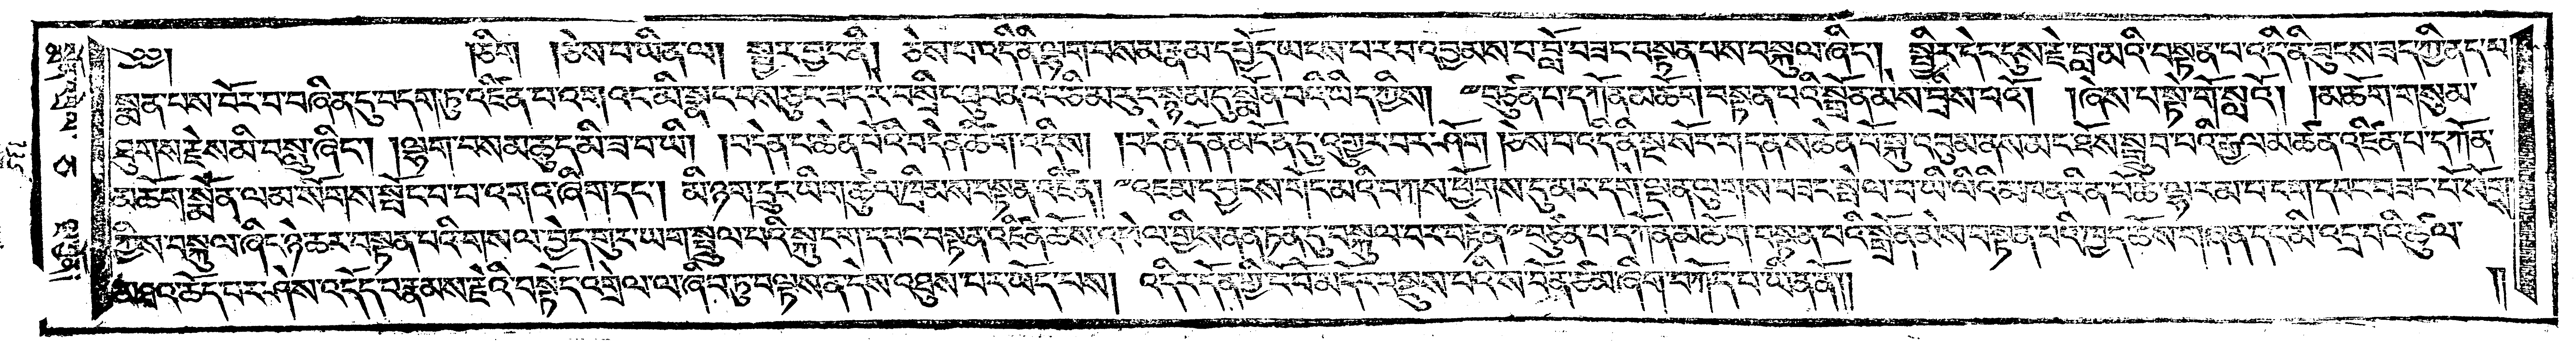༄༅། །ཅིག །ཅེས་པ་ཡིན་ལ། སྦྱར་བྱང་ནི། ཅེས་པ་འདི་ནི་ལྷག་བསམ་རྣམ་དཔྱོད་ཡངས་པ་རབ་འབྱམས་པ་བློ་བཟང་བསྟན་པས་བསྐུལ་ཞིང་། སྤྱིར་དེང་དུས་རྗེ་བླ་མའི་བསྟན་པ་འདི་ནི་ཟུངས་ཟད་ཀྱི་ནད་པ་
སྨན་པས་བོར་བ་བཞིན་དུ་བདག་ཏུ་འཛིན་པ་འགའང་མི་སྣང་བས་ཅུང་ཟད་རེ་བསྲིང་ཐུབ་ནའང་ཅི་མ་རུང་སྙམ་དུ་སྨོན་པའི་ཡིད་ཀྱིས། ༧བཙུན་པ་དཀོན་མཆོག་བསྟན་པའི་སྒྲོན་མེས་བྲིས་པའོ། །ཞེས་པ་སྟེ་གོ་སླའོ། །མཆོག་གསུམ་
ཐུགས་རྗེས་མི་བསླུ་ཞིང་། །ལྷག་བསམ་ཆུད་མི་ཟ་བ་ཡི། །བདེན་པ་ཆེན་པོའི་བདེན་ཚིག་འདིས། །བདེན་དོན་མངོན་དུ་འགྱུར་བར་ཤོག །ཅེས་པ་འདི་ནི་སྔ་སོར་གདན་ས་ཆེན་པོ་སྐུ་འབུམ་ནས་མང་ཐོས་སྒྲུབ་པའི་རྒྱལ་མཚན་འཛིན་པ་དཀོན་
མཆོག་སྨོན་ལམ་སོགས་སྤོང་བ་པ་འགའ་ཞིག་དང་། མི་ཉག་དྲུང་ཡིག་ཚུལ་ཁྲིམས་བསྟན་འཛིན། ༧འཇམ་དབྱངས་གོང་མའི་བཀས་ཕྱོགས་དུ་མར་དགེ་ལྡན་ལུགས་བཟང་སྤེལ་བ་ཡི་ལིའི་མཁན་རིན་པོ་ཆེ་ལྷ་རམ་པ་ངག་དབང་བཟང་པོ་སོགས་
ཀྱིས་བསྐུལ་ཞིང་ཉེ་ཆར་བསྟན་པའི་གསལ་བྱེད་གུར་ཡག་སྤྲུལ་བའི་སྐུ་ངག་དབང་བསྟན་འཛིན་ཆོས་འཕེལ་གྱིས་ནན་ཏན་དུ་བསྐུལ་བར་བརྟེན ༧བཙུན་བ་དཀོན་མཆོག་བསྟན་པའི་སྒྲོན་མེས་བསྟན་པའི་ཁྱད་ཆོས་གཞན་དང་མི་འདྲ་བའི་ཚུལ་
མཐའ་ཆོད་པར་ཤེས་འདོད་པ་རྣམས་རྗེའི་བསྟོད་འགྲེལ་ལ་ཞིབ་ཏུ་བལྟས་ན་དེས་འཐུས་པར་ཡོད་པས། འདིར་དོན་གྱི་ངོ་བོ་མདོར་བསྡུས་པའི་ས་བོན་ཙམ་ཞིག་བཀོད་པ་ཡིན་ནོ།། །།